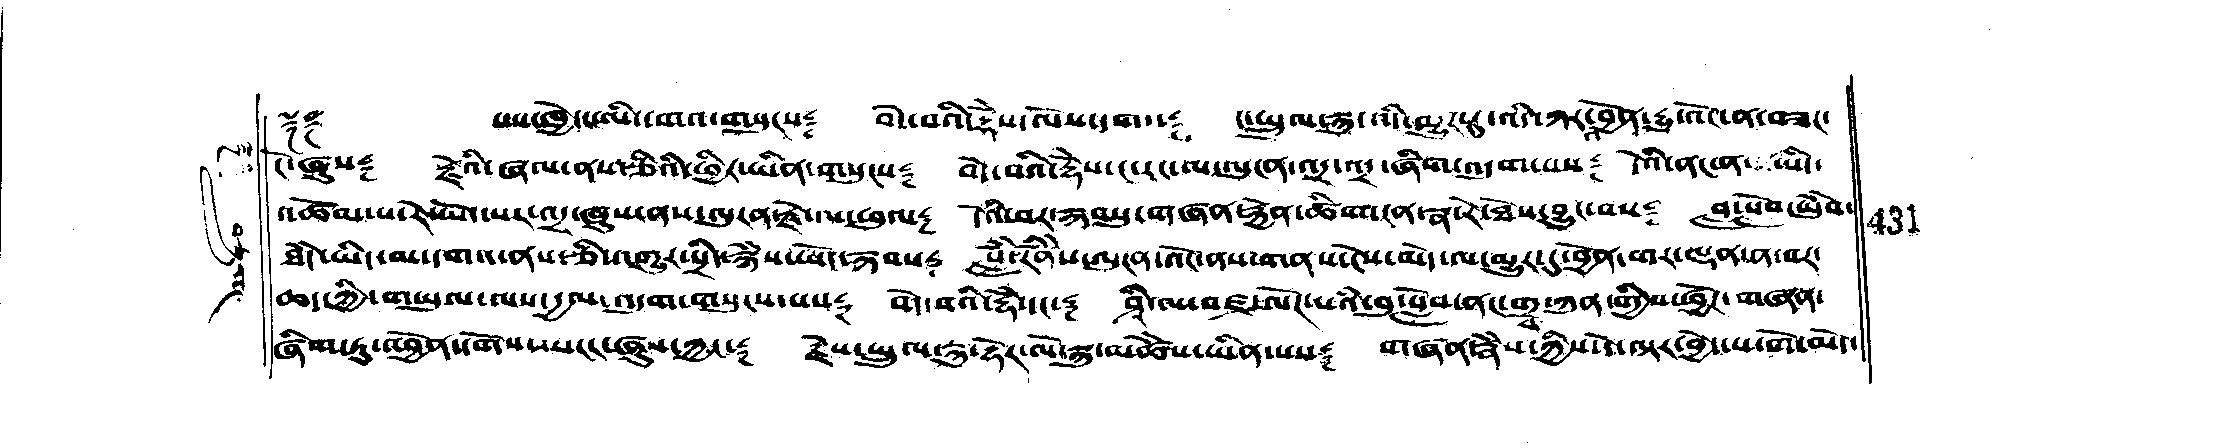པས་ཁྱེད་ཨི་དགའ་གསུངས། བདེ་བའི་རྡོ་རྗེས་ལོས་དགའ། ད་སྤྲུལ་སྐུ་འདི་མྱུར་དུ་འདི་ཀར་འབྱོན་རྒྱུ་འོང་ན་བཟང་
ངོ་ཞུས། རྗེའི་ཞལ་ནས་ཅིའི་ཕྱིར་ཡིན་གསུངས། བདེ་བའི་རྡོ་རྗེས་ང་རང་ལ་ལུང་བསྟན་འདྲ་འདྲ་ཞིག་འདུག་པས། དེའི་ནང་ནས་ཡིད་
འཚོམ་༼ཚོམ་?༽པ་རེ་ཡོད་པར་འདྲ་ཞུས་ནས་ལུང་བསྟན་རྗེ་ལ་ཕུལ། དེའི་བར་སྐབས་སུ་གཞན་རྐྱེན་ཚིག་ངན་སྣ་རེ་ཐོས་བྱུང་བས། བླ་སློབ་ཡབ་ཡུམ་
ཐམས་ཅད་ཡིད་མ་དགའ་ནས་ཅི་འགྱུར་སྲིད་སྙམ་ཡོད་སྐབས། བླ་མ་རིན་པོ་ཆེས་ལུང་བསྟན་འོང་ནས་གནས་ངེས་མེད་ལ་མྱུར་དུ་བྱོན་གར་ལྡན་ན་བར་
ཆད་ཀྱི་གཡུལ་ལས་རྒྱལ་འདུག་གསུངས་པས། བདེ་བའི་རྡོ་རྗེ་དང་། ཤཱི་ལ་བཛྲ་ལ་སོགས་པའི་བུ་སློབ་ནང་གྲྭ་ཀུན་གྱིས་ཕྱོགས་གཞན་
ཞིག་ཏུ་འབྱོན་དགོས་ཡང་ཡང་ཞུས་ཀྱང་། རྗེས་སྤྲུལ་སྐུ་རྡོར་ལོ་སྐུ་མཚམས་ཡིན་པས། གཞན་རྣམས་ཀྱིས་དེ་ལྟར་བྱེད་པ་གོ་མེད་